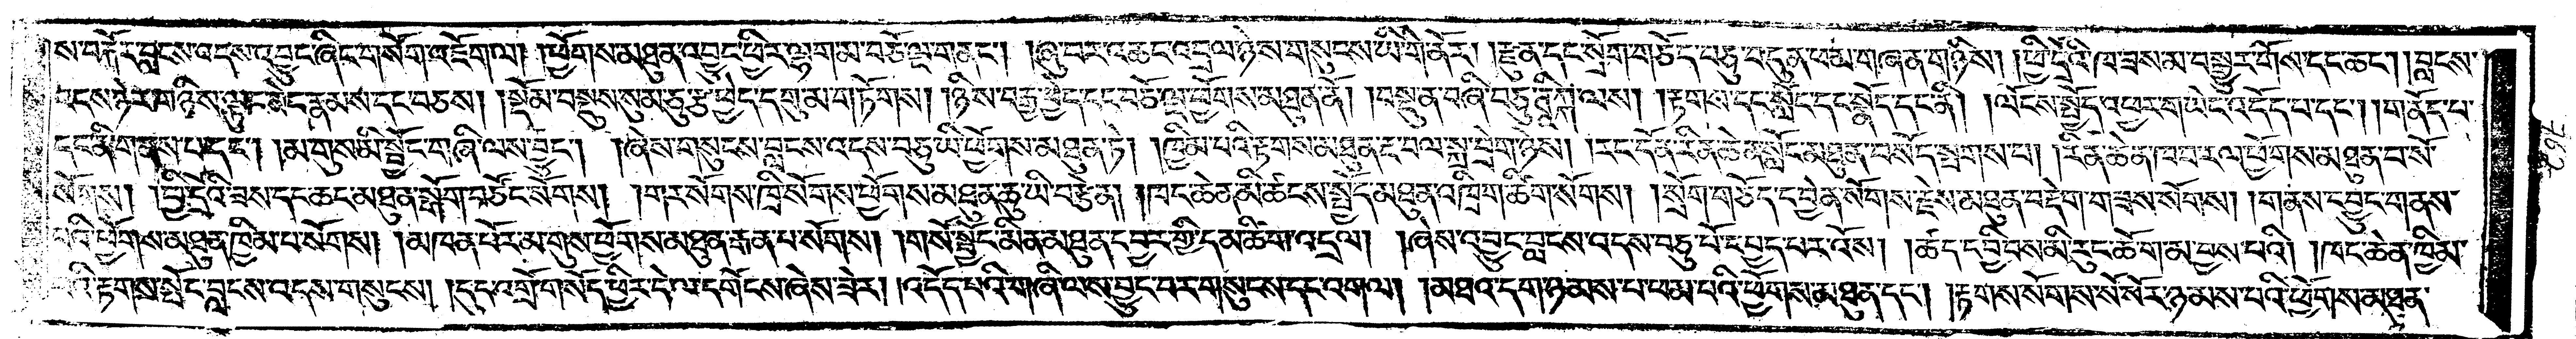ས་འདོར་བླངས་འདས་འབྱུང་ཞིང་གསོག་འཇོག་ལ། །ཕྱོགས་མཐུན་འབྱུང་ཕྱིར་ལྷག་མ་བཅོ་ལྔ་གནང་། །ཞུ་བར་འཆང་འབྲལ་ཉེས་གསངས་ཡི་གེ་མོང་། །རྫུན་དང་སྲོག་གཅོད་དང་བདུན་ཕ་མ་གཞན་གཉིས། །ཕྱི་རོའི་ཁ་ནས་མ་བསྒྱུར་གོས་ངང་ཆང་། །བླངས་
འདས་ཉེར་གཉིས་ལྟུང་མེད་རྣམས་དང་བཅས། །སྡོམ་བསྡུས་སུམ་ཅུ་རྩ་ཕྱེད་དགུ་མ་གཏོགས། །ཉིས་བརྒྱ་ཕྱེད་དང་བཅོ་ལྔ་ཕྱོགས་མཐུན་ནོ། །བསྡུ་ན་བཞི་བཅུ་ཊཱིཀྐ་ལས། །རྟགས་དང་སློང་དང་སྣོད་དང་ནི། །ལོངས་སྤྱོད་འཕྱང་གཡེང་འདོང་པ་དང་། །གནོད་པ་
དང་ནི་གནས་པ་དང་། །མ་གུས་མི་སྦྱོང་གཞི་ལས་བྱུང་། །ཞེས་གསུངས་བླངས་འདས་བཅུ་ཡི་ཕྱོགས་མཐུན་ཏེ། །ཁྱིམ་པའི་རྟགས་མཐུན་རྔ་བ་ལ་སྐྲ་བྲེག་ཉེས། །རང་དོན་རིན་ཆེན་སློང་མཐུན་བསོད་སྤགས་པ། །རིན་ཆེན་ཁབ་རལ་ཕྱོགས་མཐུན་པ་སོ་
མཛེས། །ཕྱི་དྲིའི་ཟས་དང་ཆད་མཐུན་སྒོག་བཙོད་སོགས། །གར་སོགས་ཁྲི་སོགས་ཕྱོགས་མཐུན་ཆུ་ཡི་བརྩེན། །ཁང་ཆེན་མི་ཚངས་སྤྱོད་མཐུན་འཁྲིག་ཚིག་སོགས། །སྲོག་གཅོད་དབྱེན་སོགས་རྗེས་མཐུན་བརྡེག་གཟས་སོགས། །གནས་དབྱུང་གནས་
བའི་ཕྱོགས་མཐུན་ཁྱིམ་པ་སོགས། །མཁན་པོར་མ་གུས་ཕྱོགས་མཐུན་རྒན་པ་སོགས། །གསོ་སྦྱོང་མིན་མཐུན་དབྱར་གྱི་དམ་ཚིག་འདྲ་ལ། །ཞེས་འབྱུང་བླངས་འདས་བཅུ་པོ་དཔྱད་པར་འོས། །ཚད་དབྱིབས་མི་རུང་ཆོག་མ་བྱས་པའི། །ཁང་ཆེན་ཁྱིམ་
པའི་རྟགས་སྤོང་བླངས་འདས་གསུངས། །དུད་འགྲོ་གསོད་ཕྱིར་དེ་ལ་དགོངས་ཞེས་ཟེར། །འདོད་པའི་གཞི་ལས་ཕྱུང་བར་གསུངས་དང་འགལ། །མཐའ་དག་ཉམས་པ་ཕམ་པའི་ཕྱོགས་མཐུན་དང་། །རྟགས་སོགས་སོ་སོར་ཉམས་པའི་ཕྱོགས་མཐུན་